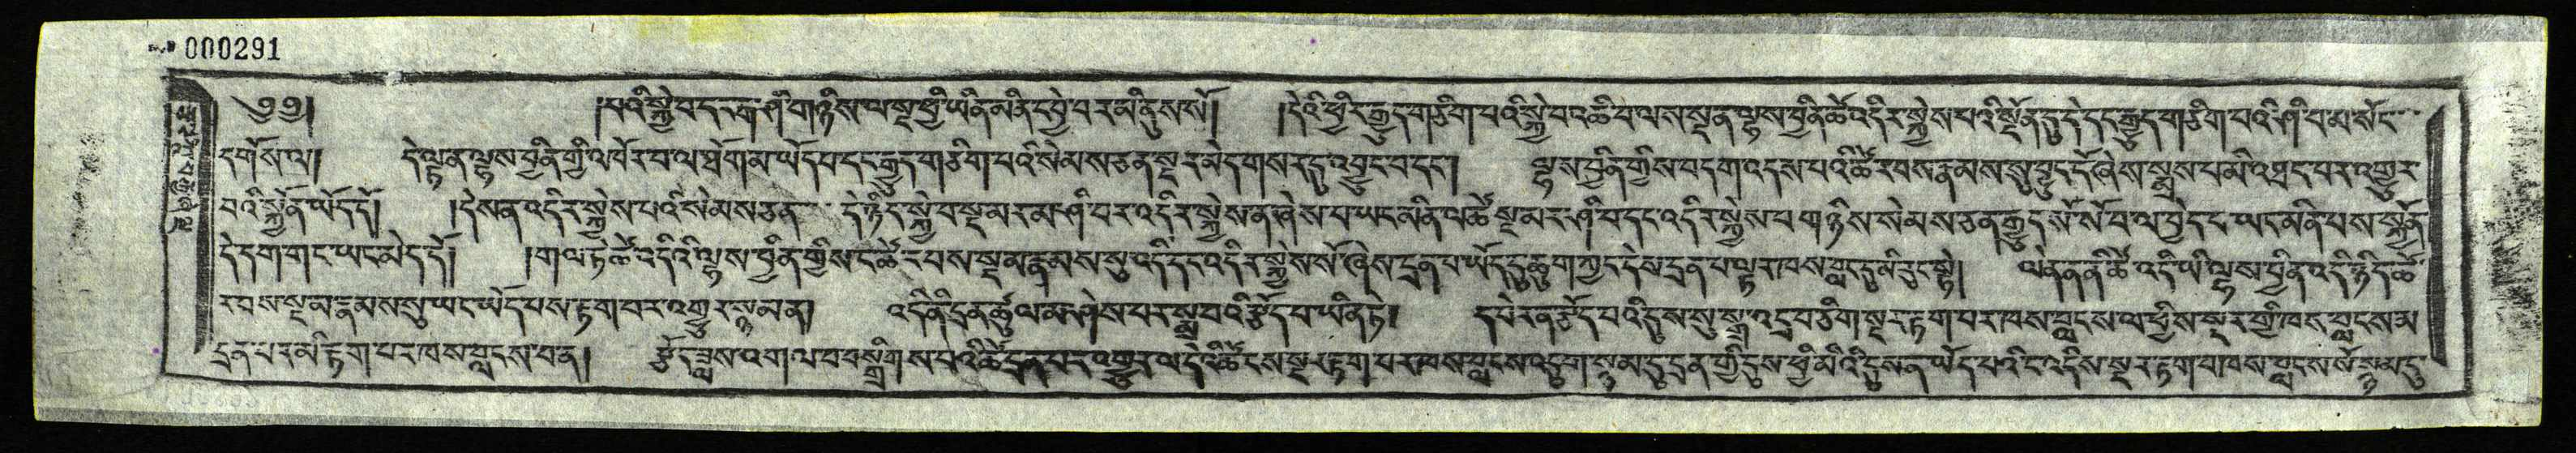༄༅། །པའི་སྐྱེ་བ་དང་རྒ་ཤི་གཉིས་ལ་སྔ་ཕྱི་ཡིན་མིན་དབྱེ་བར་མི་ནུས་སོ། །དེའི་ཕྱིར་རྒྱུད་གཅིག་པའི་སྐྱེ་བ་འཆི་བ་ལས་སྔ་ན་ལྷས་བྱིན་ཚེ་འདིར་སྐྱེས་པའི་སྔོན་དུ་དེ་དང་རྒྱུད་གཅིག་པའི་ཤི་པ་མ་སོང་
དགོས་ལ། དེ་ལྟ་ན་ལྷས་བྱིན་གྱི་འཁོར་བ་ལ་ཐོག་མ་ཡོད་པ་དང་རྒྱུད་གཅིག་པའི་སེམས་ཅན་སྔར་མེད་གསར་དུ་འབྱུང་བ་དང་། ལྷ་ས་བྱིན་གྱིས་བདག་འདས་པའི་ཚེ་རབས་རྣམས་སུ་བྱུང་ངོ་ཞེས་སྨྲས་པ་མི་འཐད་པར་འགྱུར་
བའི་སྐྱོན་ཡོད་དོ། །དེས་ན་འདིར་སྐྱེས་པའི་སེམས་ཅན་དེ་ཉིད་སྐྱེ་བ་སྔ་མར་མ་ཤི་བར་འདིར་སྐྱེས་ན་ཞེས་པ་ཡང་མིན་ལ་ཚེ་སྔ་མར་ཤི་བ་དང་འདིར་སྐྱེས་པ་གཉིས་སེམས་ཅན་རྒྱུད་སོ་སོ་བ་ལ་བྱེད་པ་ཡང་མིན་པས་སྐྱོན་
དེ་དག་གང་ཡང་མེད་དོ། །གལ་ཏེ་ཚེ་འདིའི་ལྷས་བྱིན་གྱིས་ངོ་ཚེ་རབས་སྔ་མ་རྣམས་སུ་འདི་དང་འདིར་སྐྱེས་སོ་ཞེས་དྲན་པ་ཡོད་དུ་ཆུག་ཀྱང་དེས་དྲན་པ་ལྟར་ཁས་བླང་དུ་མི་རུང་སྟེ། ལེན་ན་ནི་ཚེ་འདི་ཡི་ལྷས་བྱིན་འདི་ཉིད་ཚེ་
རབས་སྔ་མ་རྣམས་སུ་ཡང་ཡོད་བས་རྟག་བར་འགྱུར་སྙམ་ན། འདི་ནི་དྲན་ཚུལ་མ་ཤེས་པར་སྨྲ་བའི་རྩོད་པ་ཡིན་ཏེ། དཔེར་ན་རྩོད་པའི་དུས་སུ་སྒྲ་འདྲ་བ་ཅིག་སྔར་རྟག་པར་ཁས་བླངས་ལ་ཕྱིས་སྔར་གྱི་ཁས་བླངས་མ་
དྲན་པར་མི་རྟག་པར་ཁས་བླངས་པ་ན། རྩོད་ཟླས་འགལ་བ་བསྒྲིགས་པའི་ཚེ་དྲན་པར་འགྱུར་ལ་དེའི་ཚེ་ངས་སྔར་རྟག་པར་ཁས་བླངས་འདུག་སྙམ་དུ་དྲན་གྱི་དུས་ཕྱི་མིའི་དུས་ན་ཡོད་པའི་ང་འདིས་སྔར་རྟག་པ་ཁས་བླངས་སོ་སྙམ་དུ་